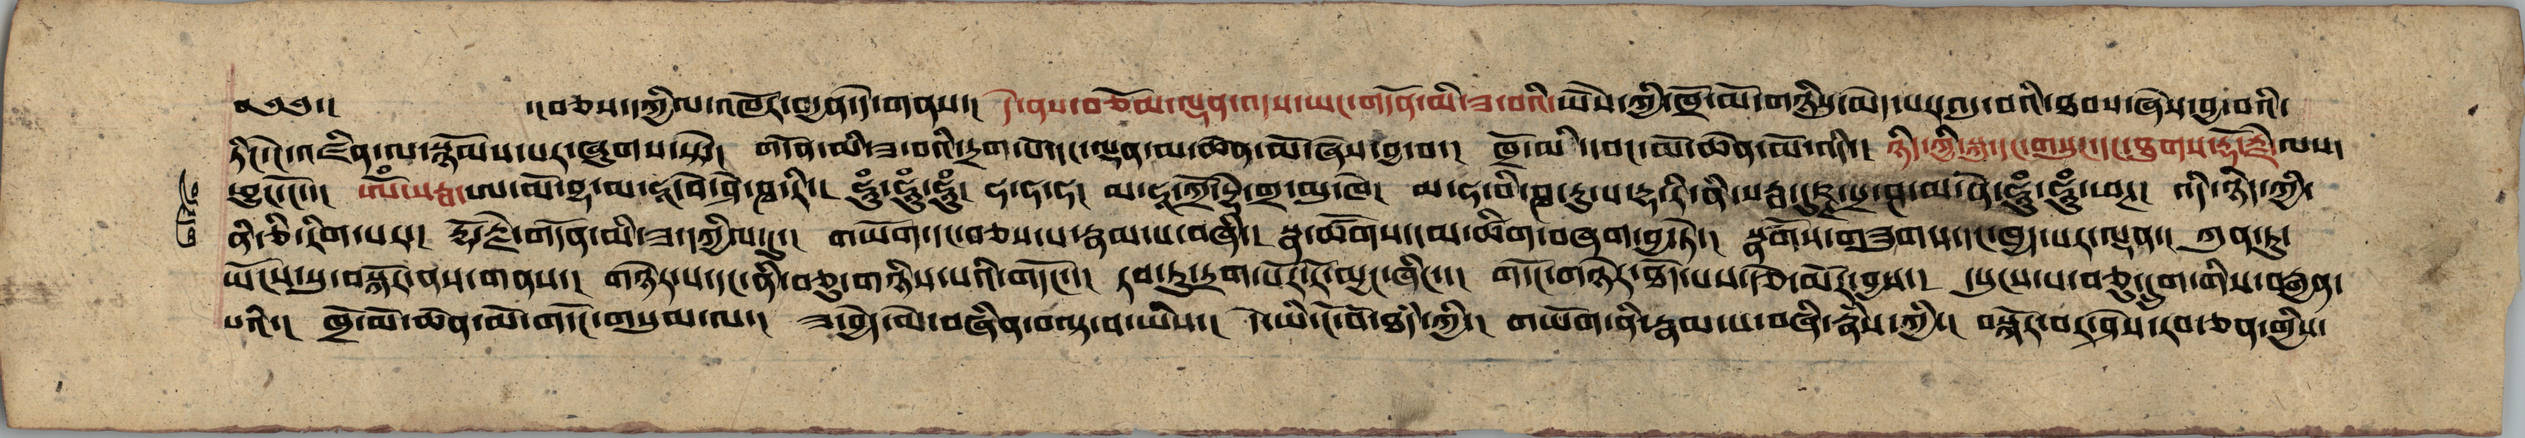༄༅་། ་།བཅས་དཀྱིལ་འཁོར་བདྱན་དེ་གནས་། དེ་ནས་བཅོམ་ལྡན་འདས་ཡང་གདོན་མི་ཟ་བའི་ཡཻས་ཀྱི་ཁྲོ་མོ་གཉིསུ་མེད་པར་འདུ་བའི་ཐབས་ཞེས་བྱ་བའི་
ཏིང་ངེ་འཛིན་ལ་སྙོམས་པར་ཞུགས་པ་སྟེ་། གདོན་མི་ཟ་བའི་དྲག་པོ་དང་ལྡན་མ་ཆེན་མོ་ཞེས་བྱ་བ་། ཁྲོ་མི་དབང་མོ་ཆེན་མོ་འདི་། ཉིད་ཀྱི་སྐུ་དང་གསུང་དང་ཐུགས་རྡོ་རྗེ་ལས་
ཕྱུང་ངོ་་། ཨོཾ་སརྦ་ཨ་མོ་བྷ་མ་ཧཱ་བེ་ཤེ་ཤྭ་རི་། ཧཱུཾ་ཧཱུཾ་ཧཱུཾ་ ཧ་ཧ་ཧ། མ་ཧཱ་ཀྲོ་དྷི་གྲ་མུ་ཁེ། མ་ཧཱ་བི་ཤྭ་རུ་ས་དྷ་རི་ནི་སརྦ་དུཥྚ་པྲ་ཤ་ལ་ནེ་ཧཱུཾ་ཧཱུཾ་ཕཊ། འདི་ཉིད་ཀྱི་
ནི་ཅི་རིག་པར་། རྡོ་རྗེ་གདོན་མི་ཟ་དཀྱིལ་དུ་། གཡོག་དང་བཅས་པ་རྣམ་པ་བཞི་། སྣ་ཚོགས་དམ་ཚིག་བཞག་བྱ་ཏེ་། སྣཚོགས་གཟུགས་དང་ཁྱད་པར་ལྡན་། ཀུན་ཏུ་
ཡོངས་སུ་བསྐོར་ནས་གནས་། གཉེར་པ་དང་ནི་བཅུ་གཉིས་གདོང་་། རབ་ཏུ་དྲག་པོར་རོ་མྱོང་ཞིང་་། གདོང་གཉེར་ཐོད་པས་རྩེ་མོར་བྱས་། དཔུངས་པ་བཅུ་དྲུག་གིས་བརྒྱན་
པའི་། ཁྲོ་མོ་ཆེན་མོ་གདོང་གསུམ་ལ་། ཟ་བྱེད་མེ་བཞིན་བལྟ་བ་ཡིས་ དེ་ཡི་ངོ་བོ་ཐདཾ་ཀྱི་། གཡོག་ནི་རྣམ་པ་བཞི་རྣཾས་ཀྱི་། བསྐོར་བར་ཤེས་རབ་ཅན་གྱིས་